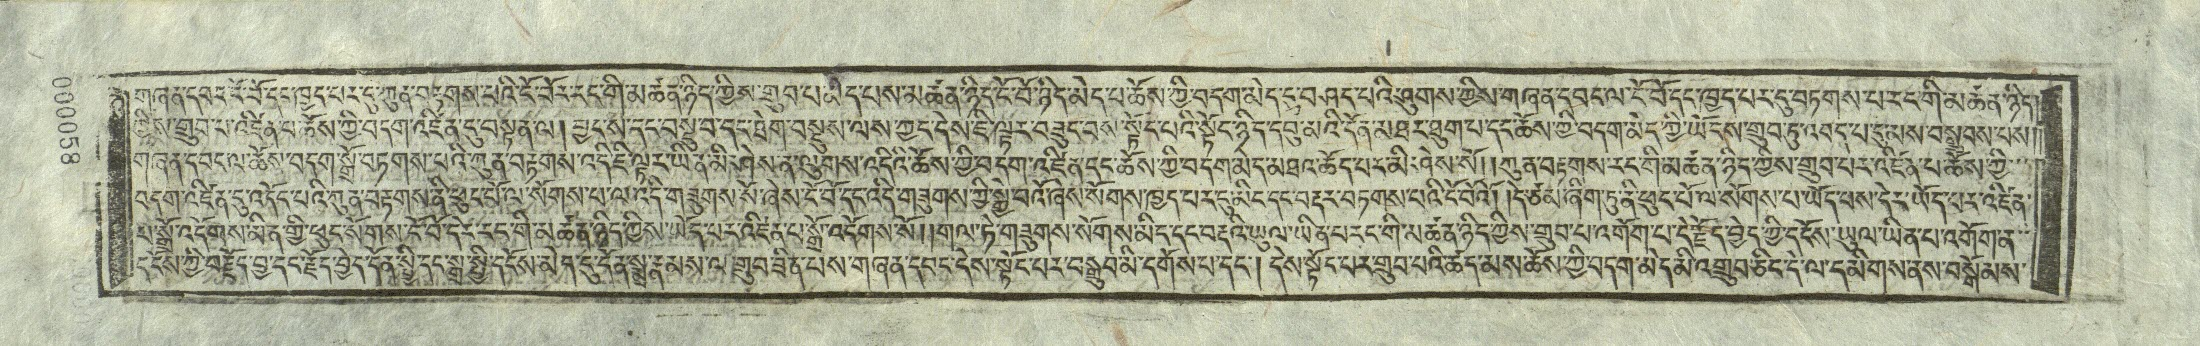གཞན་དབང་ངོ་བོ་དང་ཁྱད་པར་དུ་ཀུན་བརྟགས་པའི་ངོ་བོར་རང་གི་མཚན་ཉིད་ཀྱིས་གྲུབ་པ་མེད་པས་མཚན་ཉིད་ངོ་བོ་ཉིད་མེད་པ་ཆོས་ཀྱི་བདག་མེད་དུ་བཤད་པའི་ཤུགས་ཀྱིས་གཞན་དབང་ལ་ངོ་བོ་དང་ཁྱད་པར་དུ་བཏགས་པ་རང་གི་མཚན་ཉིད་
ཀྱིས་གྲུབ་པ་འཛིན་པ་ཆོས་ཀྱི་བདག་འཛིན་དུ་བསྟན་ལ། བྱང་ས་དང་བསྡུ་བ་དང་ཐེག་བསྡུས་ལས་ཀྱང་དེས་ཇི་ལྟར་བཟུང་བས་སྟོང་པའི་སྟོང་ཉིད་དབུ་མའི་དོན་མཐར་ཐུག་པ་དང་ཆོས་ཀྱི་བདག་མེད་ཀྱི་ཡོངས་གྲུབ་ཏུ་འབད་པ་དུ་མས་བསྒྲུབས་པས།
གཞན་དབང་ལ་ཆོས་བདག་སྒྲོ་བཏགས་པའི་ཀུན་བརྟགས་འདི་ཇི་ལྟར་ཡིན་མི་ཤེས་ན་ལུགས་འདིའི་ཆོས་ཀྱི་བདག་འཛིན་དང་ཆོས་ཀྱི་བདག་མེད་མཐའ་ཆོད་པར་མི་ཤེས་སོ། །ཀུན་བརྟགས་རང་གི་མཚན་ཉིད་ཀྱིས་གྲུབ་པར་འཛིན་པ་ཆོས་ཀྱི་
བདག་འཛིན་དུ་འདོད་པའི་ཀུན་བརྟགས་ནི་ཕུང་པོ་ལ་སོགས་པ་ལ་འདི་གཟུགས་སོ་ཞེས་ངོ་བོ་དང་འདི་གཟུགས་ཀྱི་སྐྱེ་བའོ་ཞེས་སོགས་ཁྱད་པར་དུ་མིང་དང་བརྡར་བཏགས་པའི་ངོ་བོའོ། །དེ་ཙམ་ཞིག་ཏུ་ནི་ཕུང་པོ་ལ་སོགས་པ་ཡོད་པས་དེར་ཡོད་པར་འཛིན་
པ་སྒྲོ་འདོགས་མིན་གྱི་ཕུང་སོགས་ངོ་བོ་དེར་རང་གི་མཚན་ཉིད་ཀྱིས་ཡོད་པར་འཛིན་པ་སྒྲོ་འདོགས་སོ། །གལ་ཏེ་གཟུགས་སོགས་མིང་དང་བརྡའི་ཡུལ་ཡིན་པ་རང་གི་མཚན་ཉིད་ཀྱིས་གྲུབ་པ་འགོག་པ་དེ་རྗོད་བྱེད་ཀྱི་དངོས་ཡུལ་ཡིན་པ་འགོག་ན་
དངོས་ཀྱི་བརྗོད་བྱ་དང་རྗོད་བྱེད་དོན་སྤྱི་དང་སྒྲ་སྤྱི་དངོས་མེད་དུ་དོན་སྨྲ་རྣམས་ལ་གྲུབ་ཟིན་པས་གཞན་དབང་དེས་སྟོང་པར་བསྒྲུབ་མི་དགོས་པ་དང་། །དེས་སྟོང་པར་གྲུབ་པའི་ཚད་མས་ཆོས་ཀྱི་བདག་མེད་མི་འགྲུབ་ཅིང་དེ་ལ་དམིགས་ནས་བསྒོམས་